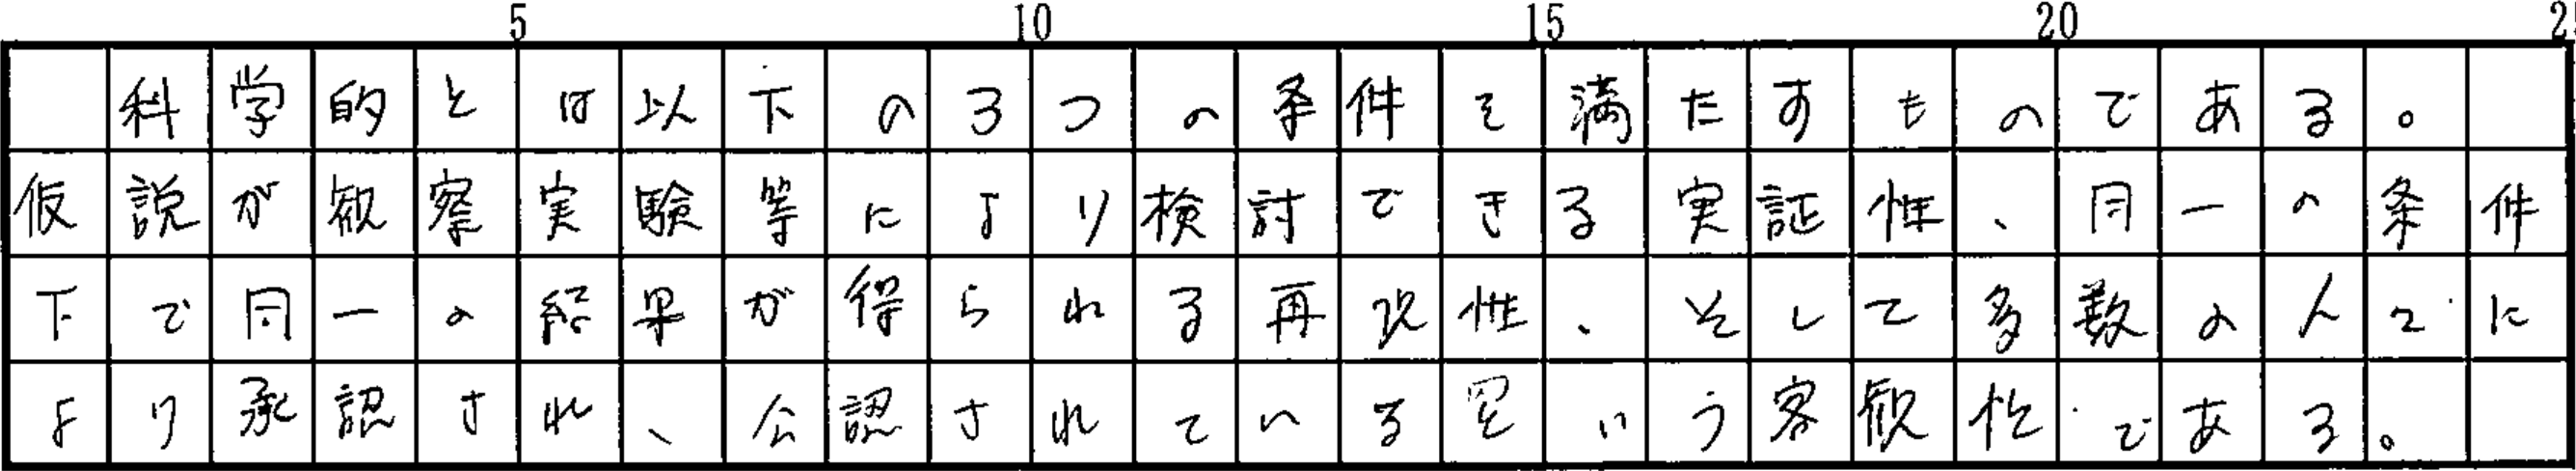　科学的とは以下の３つの条件を満たすものである。　仮説が観察実験等により検討できる実証性、同一の条件下で同一の結果が得られる再現性、そして多数の人々により承認され、公認されているという客観性である。
